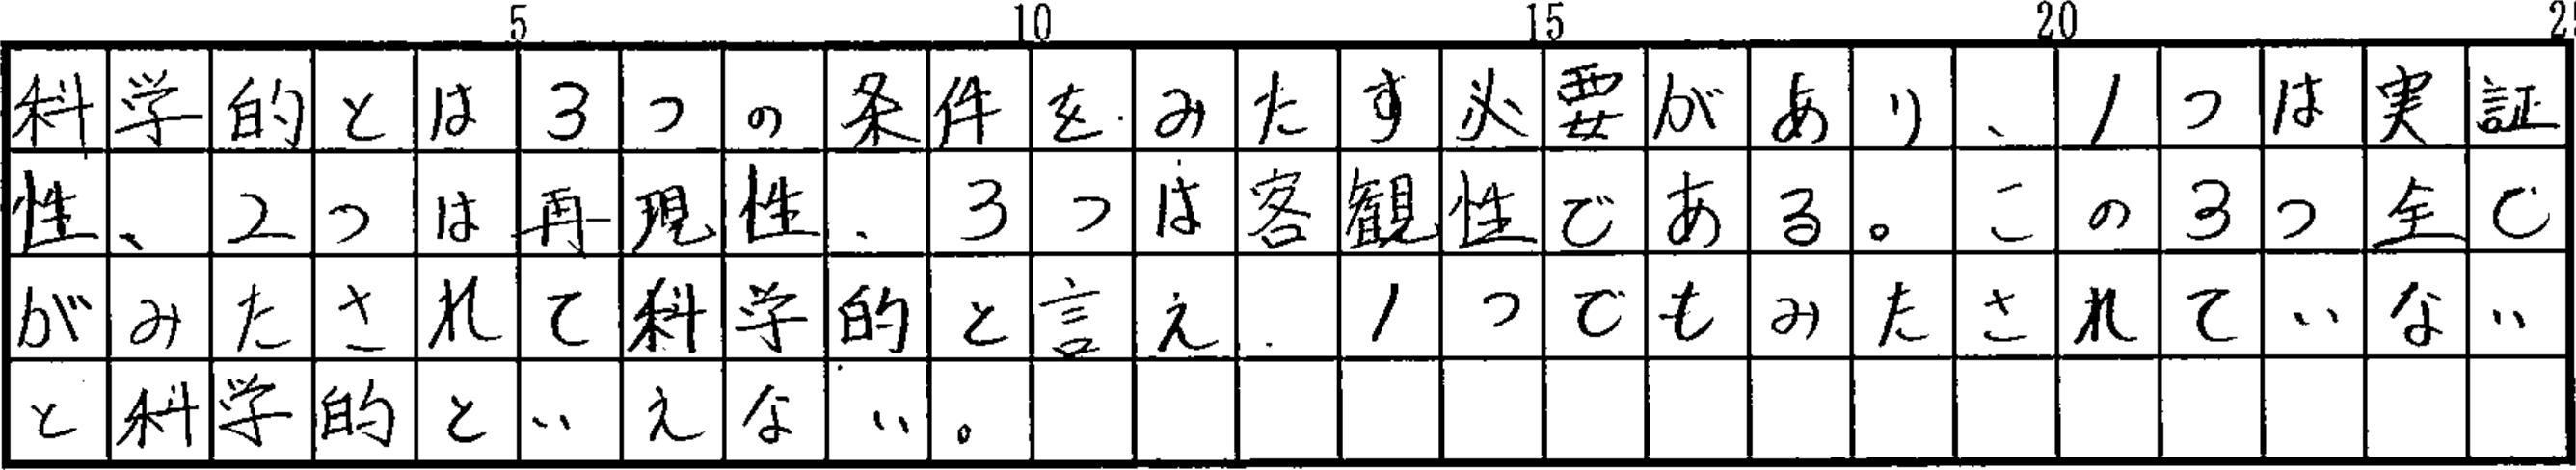科学的とは３つの条件をみたす必要があり、１つは実証性、２つは再現性、３つは客観性である。この３つ全てがみたされて科学的と言え、１つでもみたされていないと科学的といえない。
